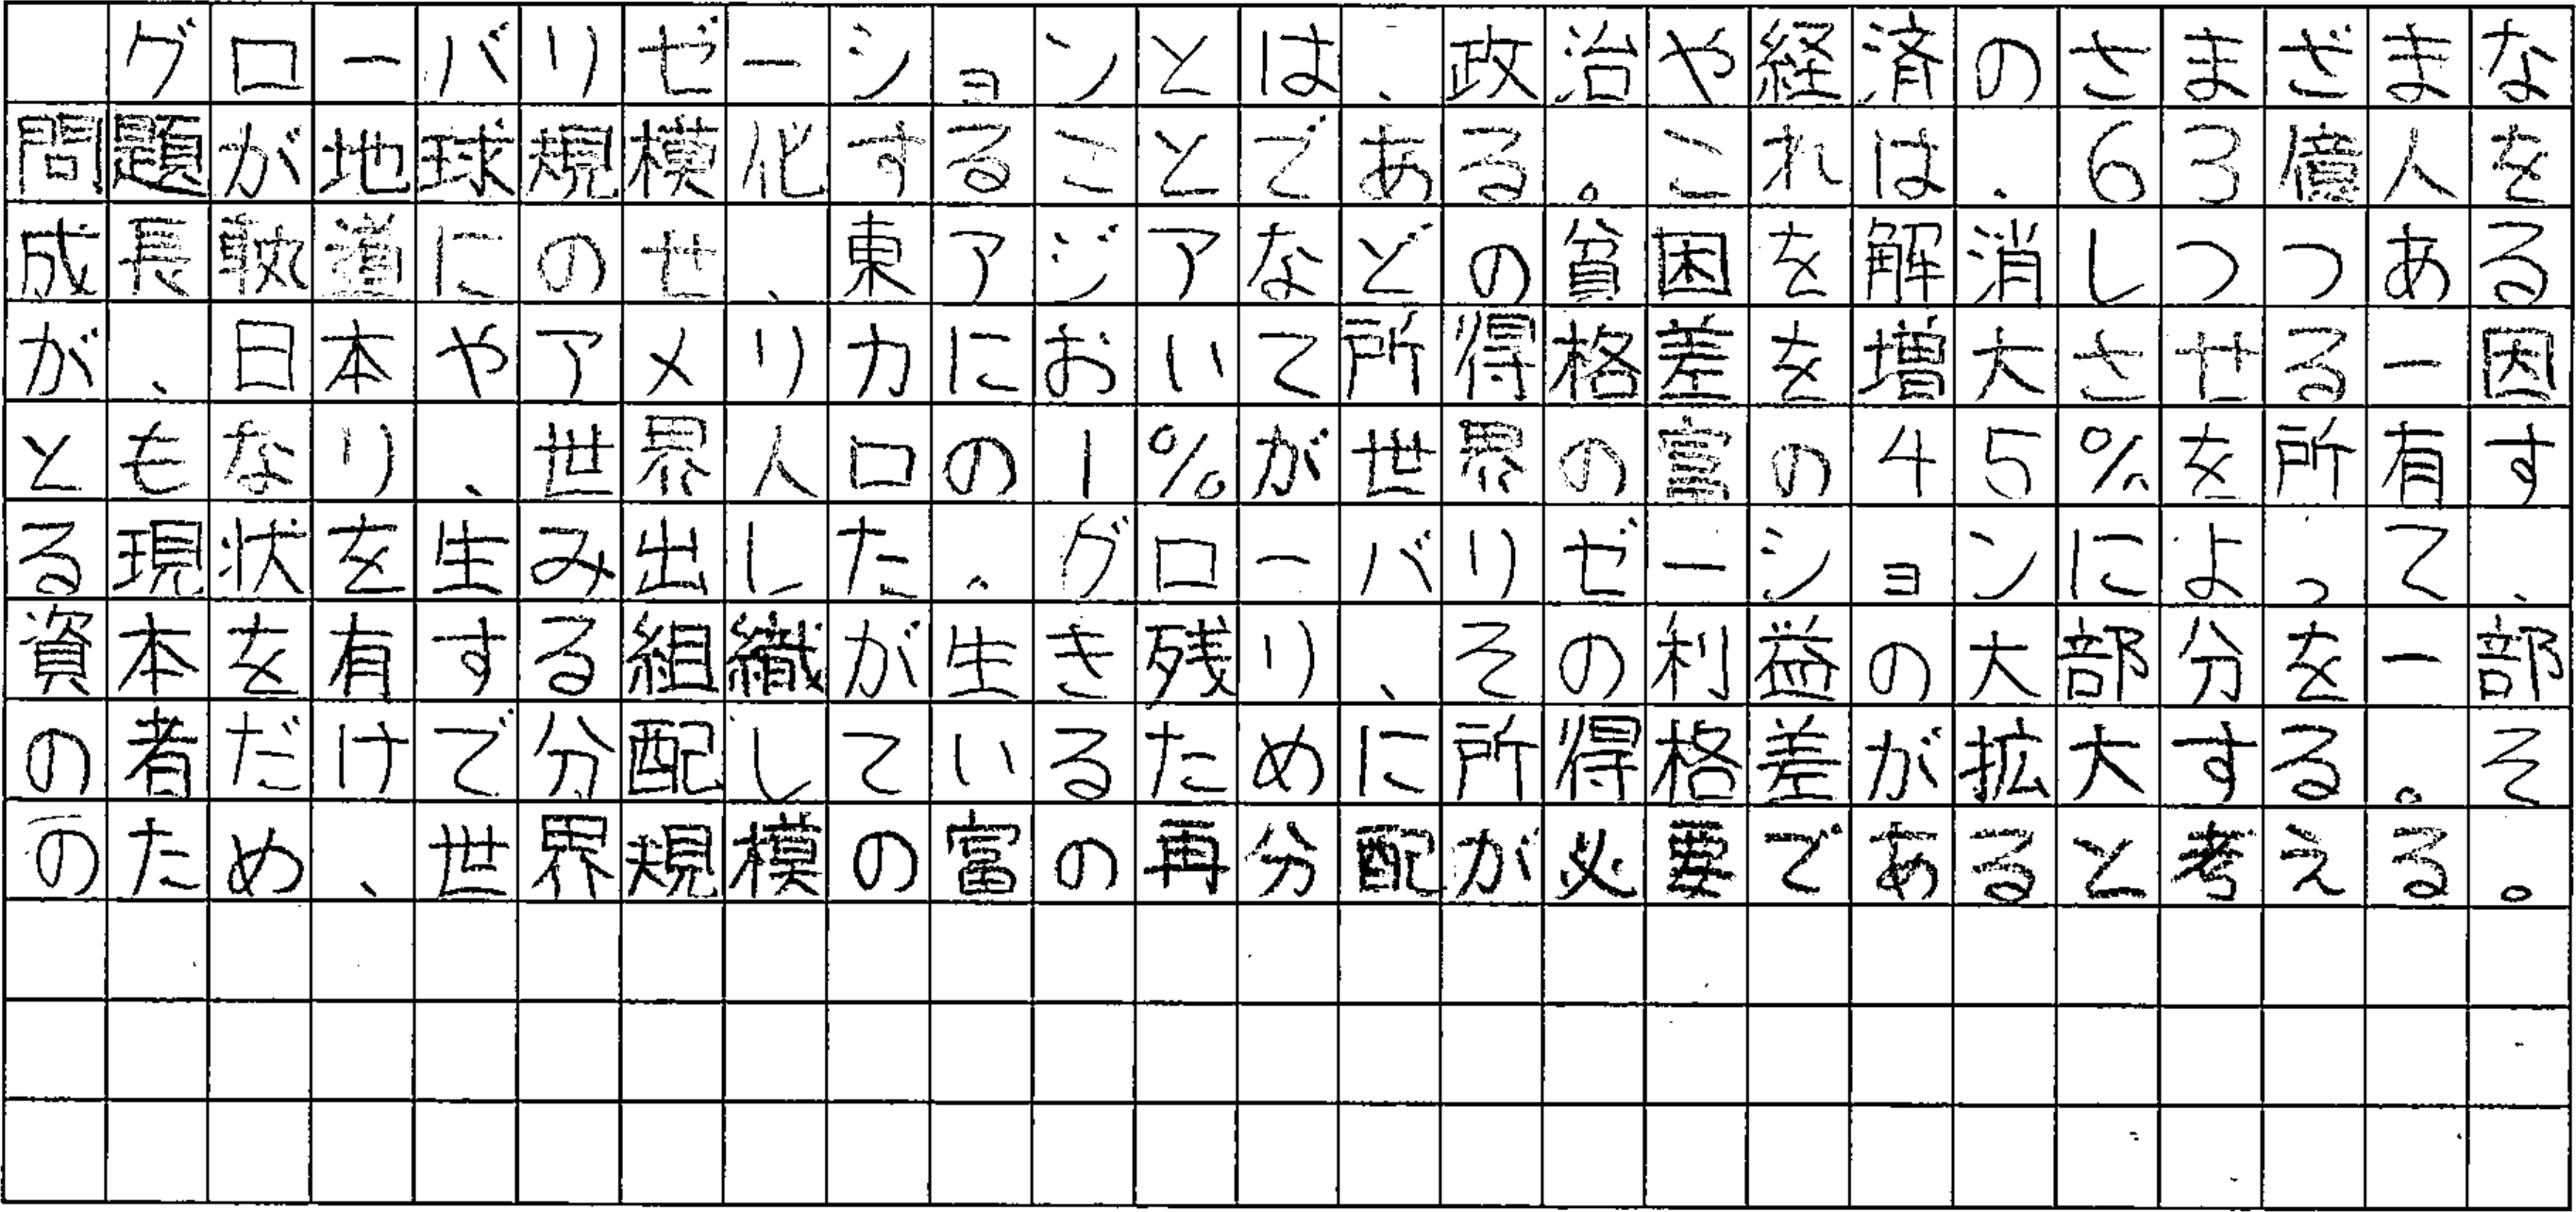　グローバリゼーションとは、政治や経済のさまざまな問題が地球規模化することである。これは、６３億人を成長軌道にのせ、東アジアなどの貧困を解消しつつあるが、日本やアメリカにおいて所得格差を増大させる一因ともなり、世界人口の１％が世界の富の４５％を所有する現状を生み出した。グローバリゼーションによって、資本を有する組織が生き残り、その利益の大部分を一部の者だけで分配しているために所得格差が拡大する。そのため、世界規模の富の再分配が必要であると考える。
